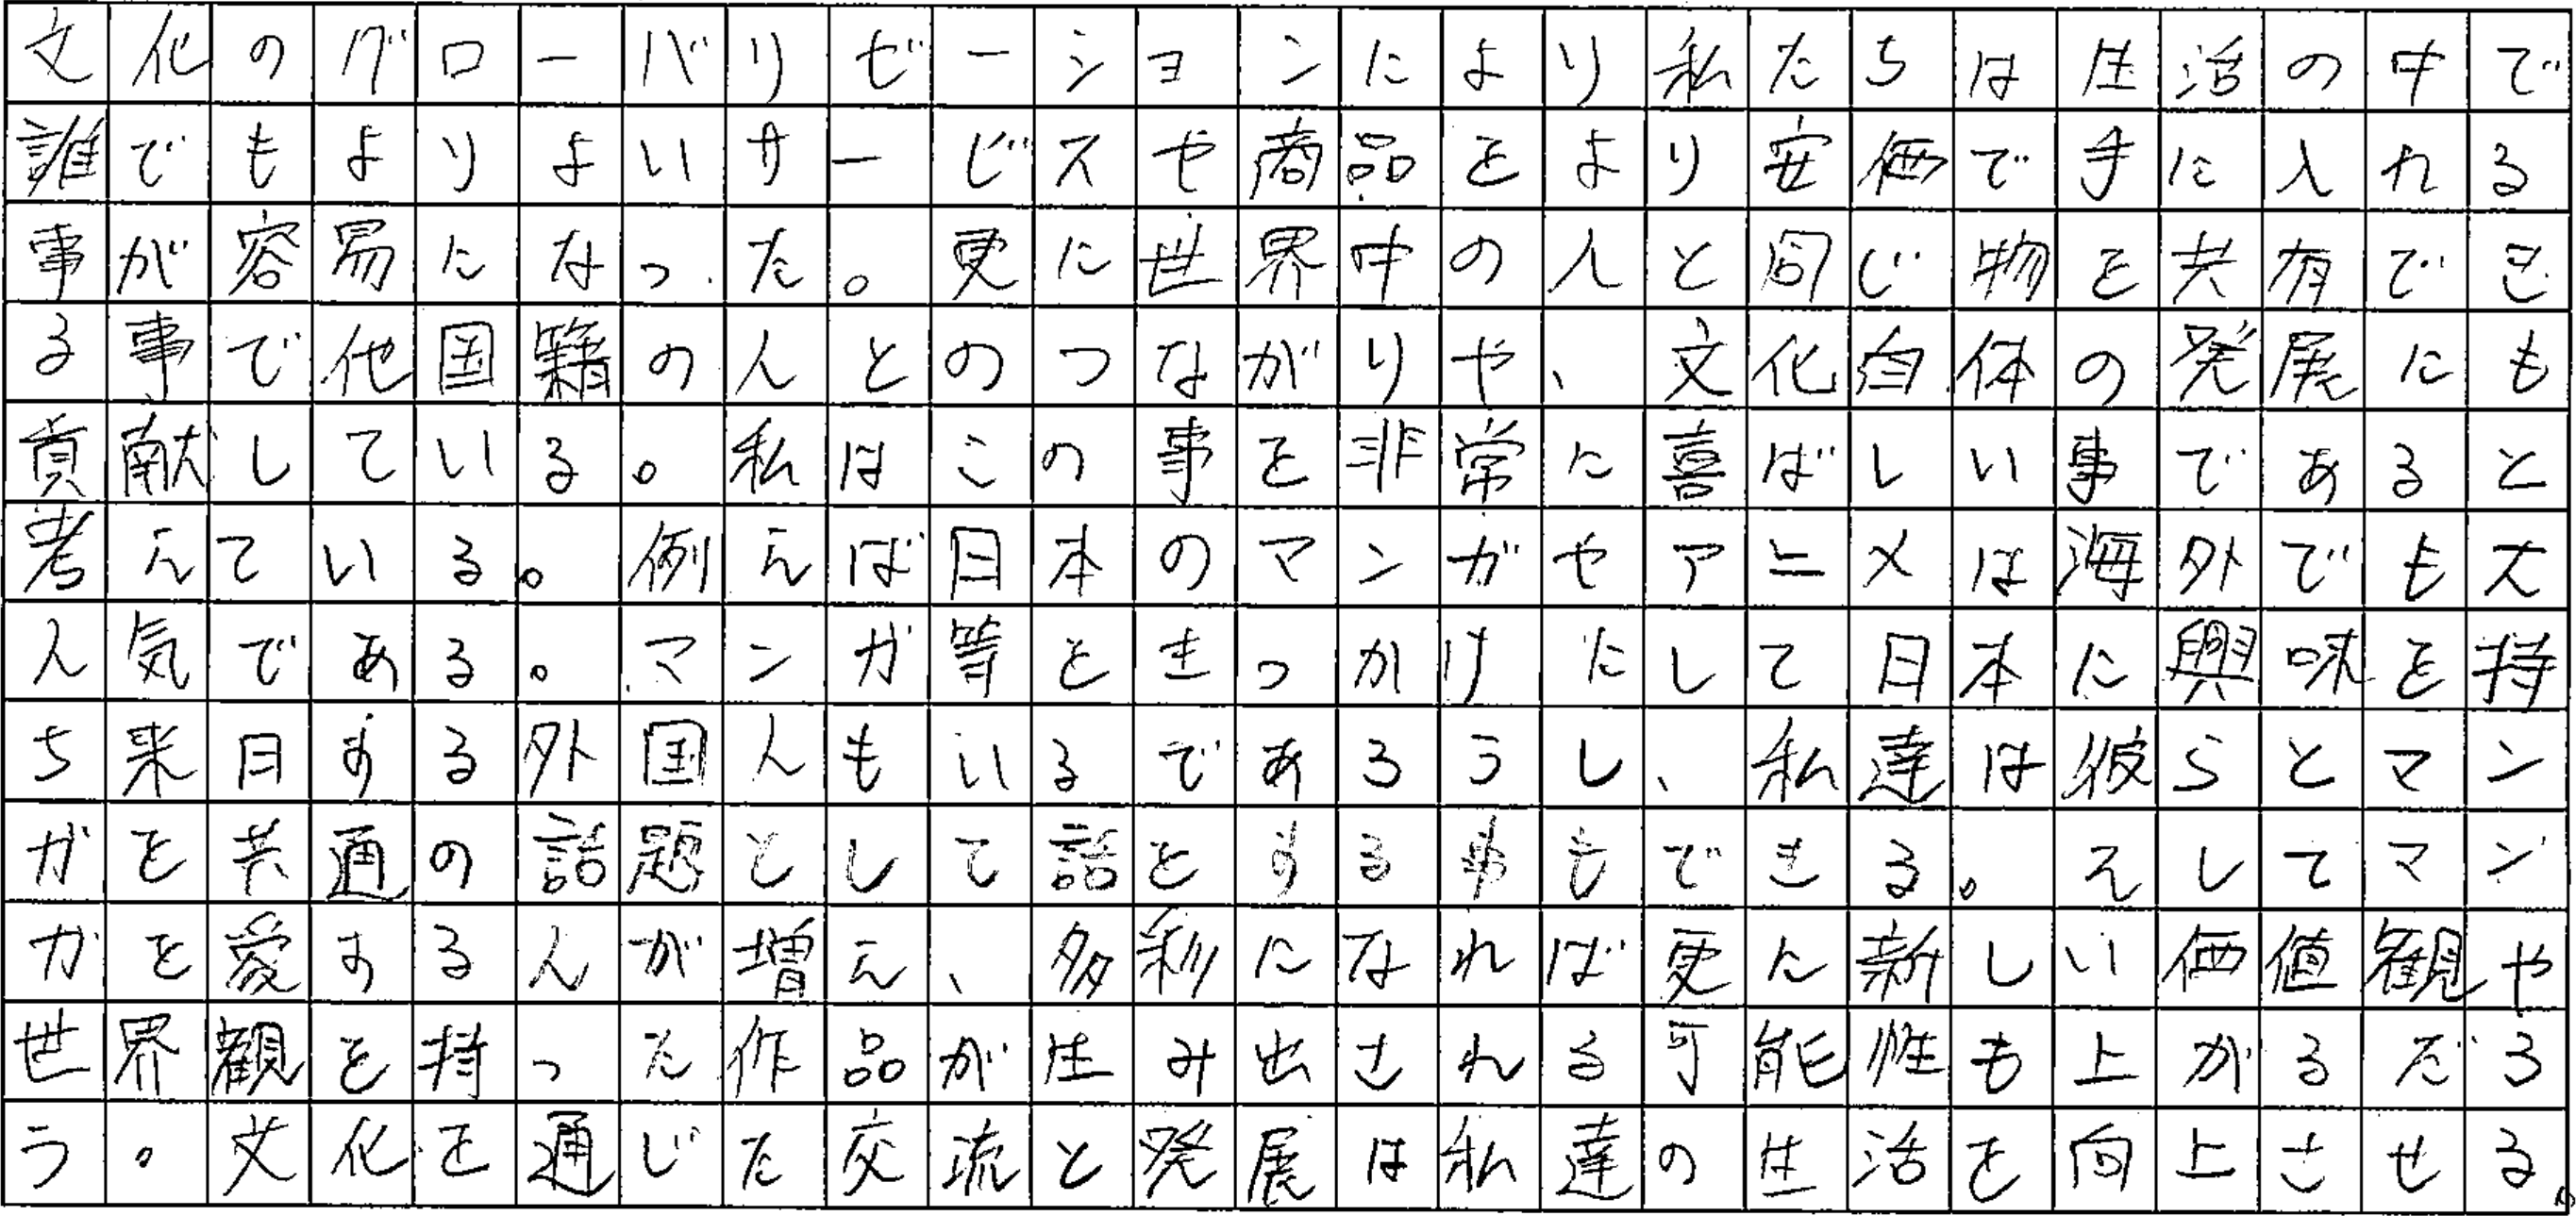文化のグローバリゼーションにより私たちは生活の中で誰でもよりよいサービスや商品をより安価で手に入れる事が容易になった。更に世界中の人と同じ物を共有できる事で他国籍の人とのつながりや、文化自体の発展にも貢献している。私はこの事を非常に喜ばしい事であると考えている。例えば日本のマンガやアニメは海外でも大人気である。マンガ等をきっかけにして日本に興味を持ち来日する外国人もいるであろうし、私▁は彼らとマンガを共通の話題として話をする事もできる。そしてマンガを愛する人が増え、多彩になれば更に新しい価値観や世界観を持った作品が生み出される可能性も上がるだろう。文化を通じた交流と発展は私たちの生活を向上させる。
